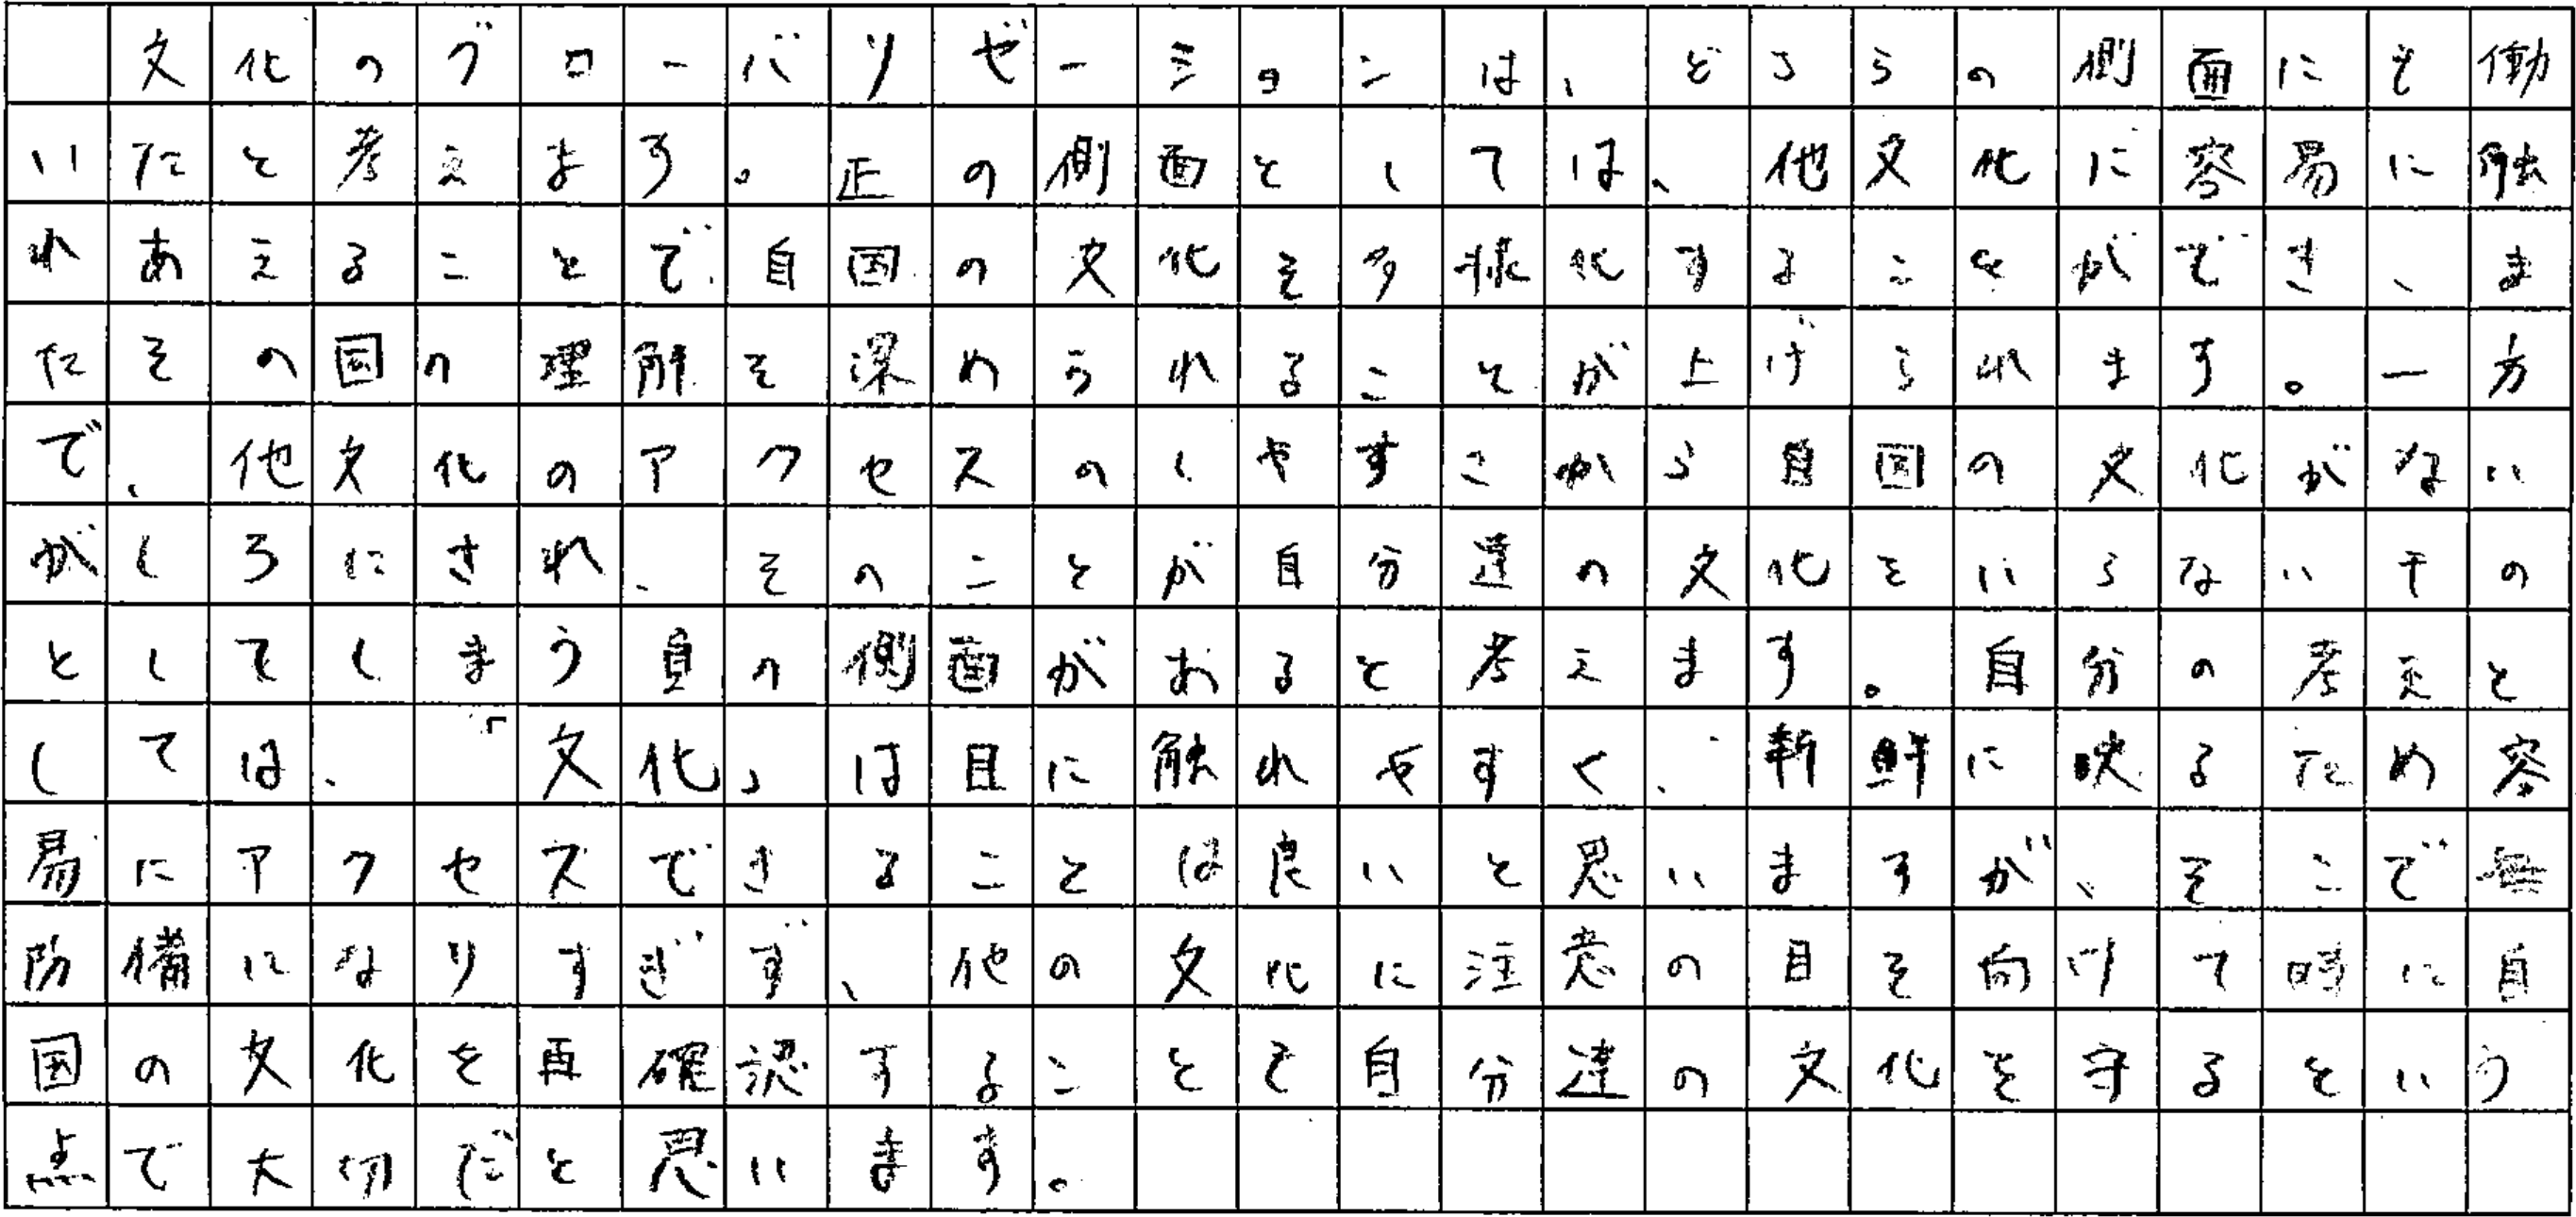　文化のグローバリゼーションは、どちらの側面にも働いたと考えます。正の側面としては、他文化に容易に触れあえることで自国の文化を多様化することができ、またその国の理解を深められることが上げられます。一方で、他文化のアクセスのしやすさから自国の文化がないがしろにされ、そのことが自分達の文化をいらないものとしてしまう負の側面があると考えます。自分の考えとしては、「文化」は目に触れやすく、新鮮に映るため容易にアクセスできることは良いと思いますが、そこで無防備になりすぎず、他の文化に注意の目を向けて時に自国の文化を再確認することも自分達の文化を守るという点で大切だと思います。
